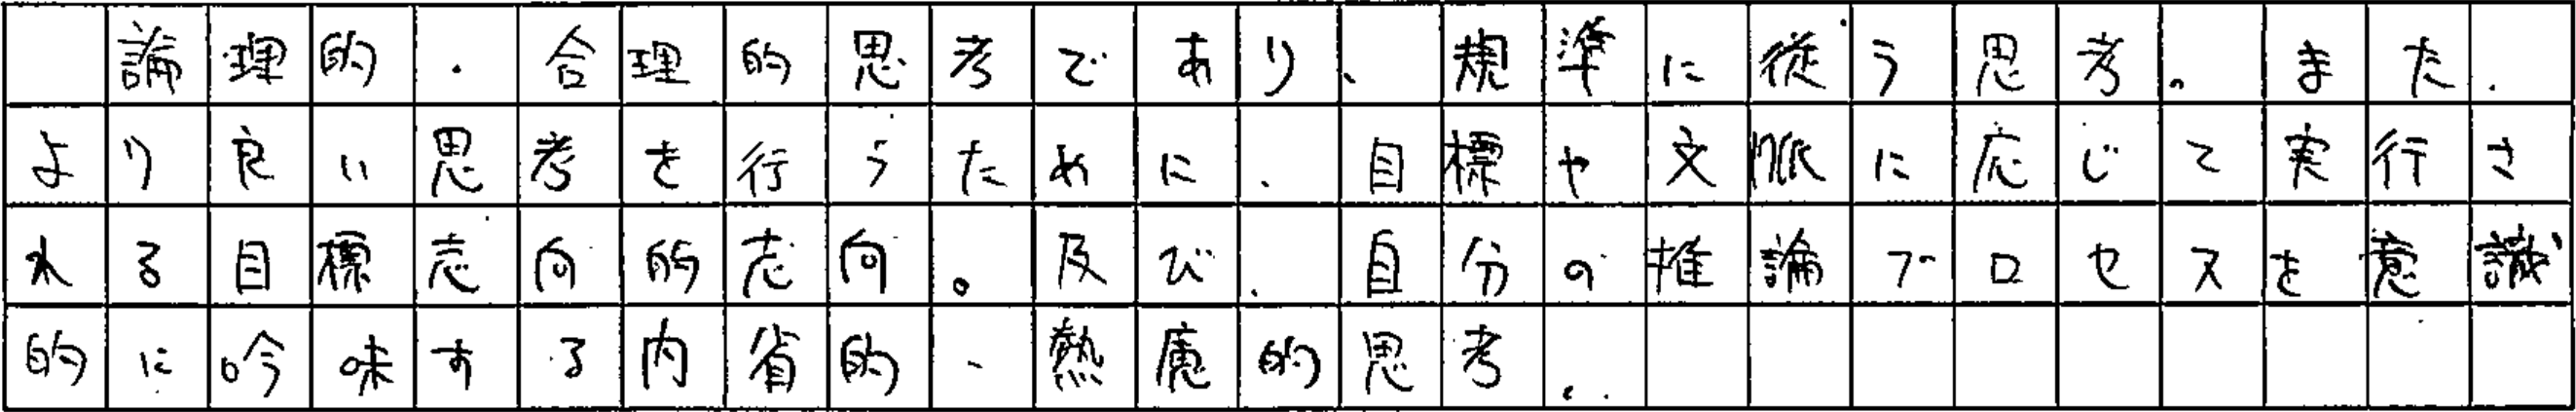　論理的・合理的思考であり、規準に従う思考。また、より良い思考を行うために、目標や文脈に応じて実行される目標志向的志向。及び、自分の推論プロセスを意識的に吟味する内省的・▁慮的思考。
